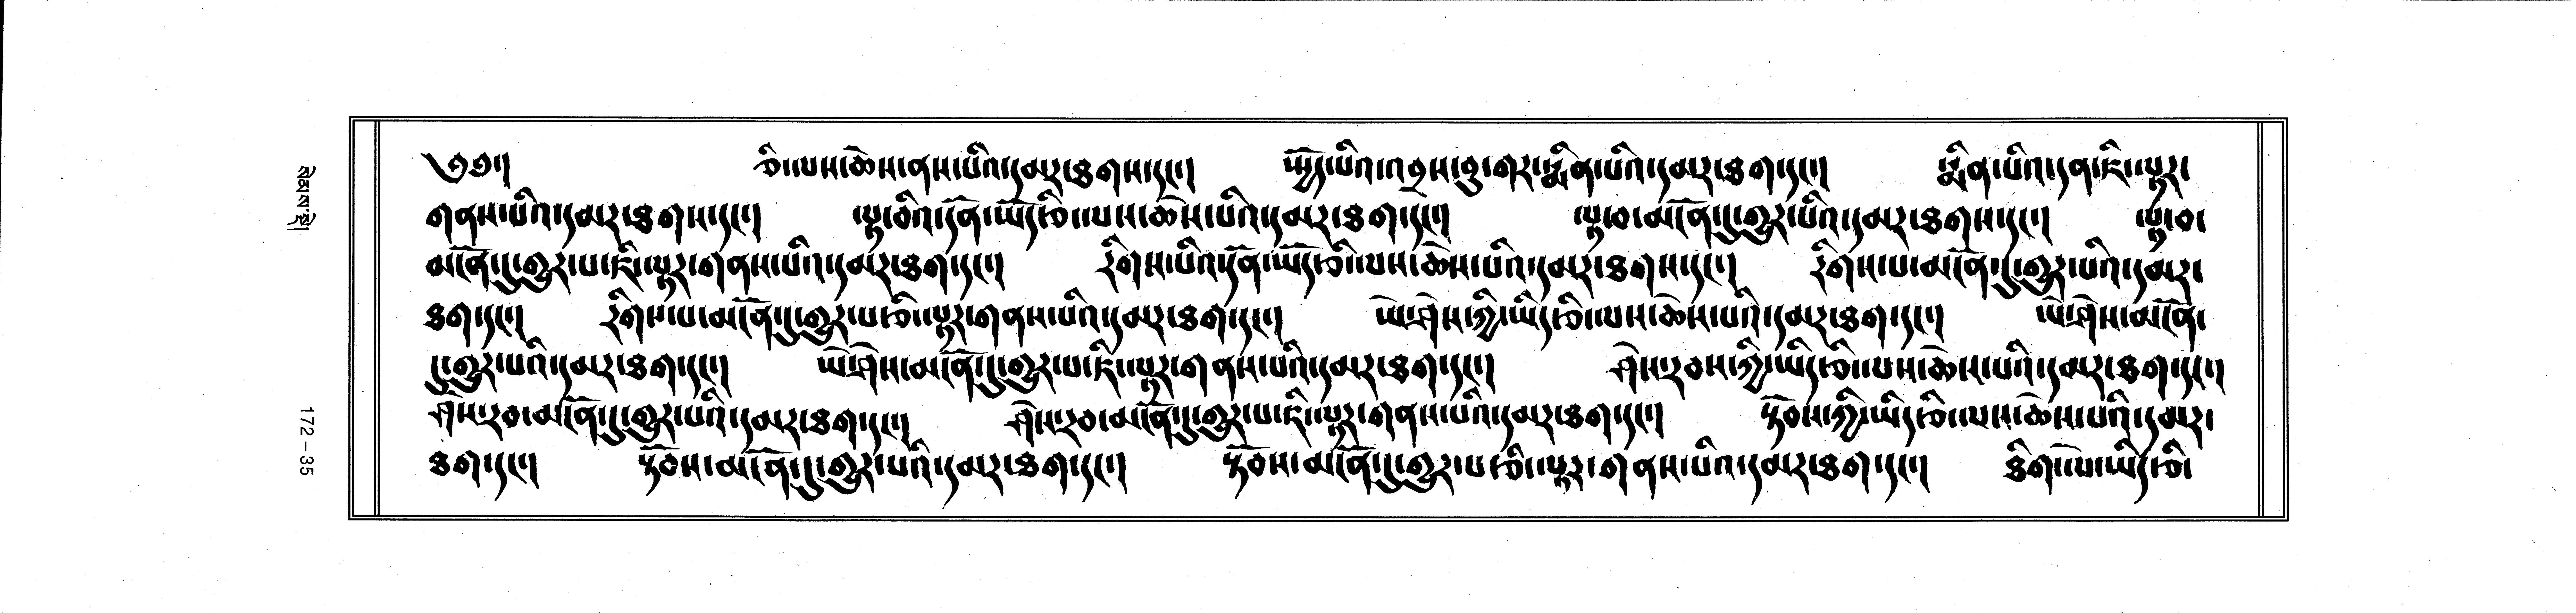ཅི་ལ་ཆེས་པའི་དམར་ཐག་དང་། སྤྱོད་པའི་འབྲས་བུ་གར་སྨིན་པའི་དམར་ཐག་དང་། སྨིན་པའི་དོན་ཇི་ལྟར་
གནས་པའི་དམར་ཐག་དང་། ལྟ་བའི་དོན་ཡོད་ཅི་ལས་ཆེས་པའི་དམར་ཐག་དང། ལྟ་བ་མངོན་དུ་གྱུར་པའི་དམར་ཐག་དང་། ལྟ་བ་
མངོན་དུ་གྱུར་པ་ཇི་ལྟར་གནས་པའི་དམར་ཐག་དང་། རིགས་པའི་དོན་ཡོད་ཅི་ལས་ཆེས་པའི་དམར་ཐག་དང་། རིགས་པ་མངོན་དུ་གྱུར་པའི་དམར་
ཐག་དང་། རིགས་པ་མངོན་དུ་གྱུར་པ་ཅི་ལྟར་གནས་པའི་དམར་ཐག་དང་། ཡེ་ཤེས་ཀྱི་ཡིད་ཅི་ལས་ཆེས་པའི་དམར་ཐག་དང་། ཡེ་ཤེས་མངོན་
དུ་གྱུར་པའི་དམར་ཐག་དང་། ཡེ་ཤེས་མངོན་དུ་གྱུར་པ་ཇི་ལྟར་གནས་པའི་དམར་ཐག་དང་། ཤེས་རབ་ཀྱི་ཡིད་ཅི་ལས་ཆེས་པའི་དམར་ཐག་དང་། 
ཤེས་རབ་མངོན་དུ་གྱུར་པའི་དམར་ཐག་དང་། ཤེས་རབ་མངོན་དུ་གྱུར་པ་ཇི་ལྟར་གནས་པའི་དམར་ཐག་དང་། སྟོབས་ཀྱི་ཡིད་ཅི་ལས་ཆེས་པའི་དམར་
ཐག་དང་། སྟོབས་མངོན་དུ་གྱུར་པའི་དམར་ཐག་དང་། སྟོབས་མངོན་དུ་གྱུར་པ་ཅི་ལྟར་གནས་པའི་དམར་ཐག་དང་། ཐིག་ལེ་ཡིད་